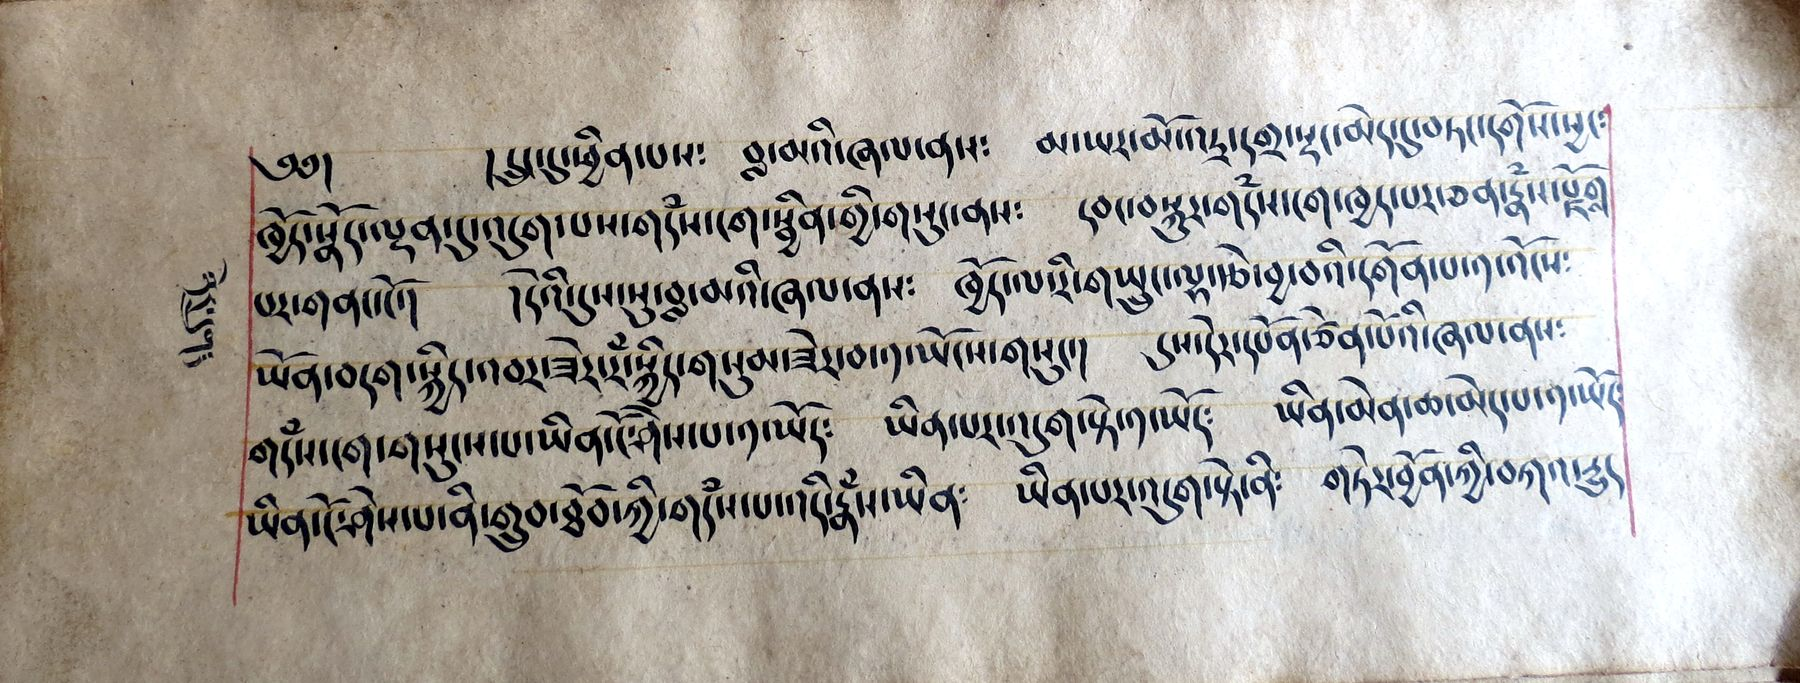དྲུང་དུ་ཕྱིན་པས། བླ་མའི་ཞལ་ནས། མ་ཡར་མོ་འདྲ་དགྲ་སྡང་མེད་དུ་བཏང་དགོས་གསུངས། 
ཁྱོད་སྣོད་ལྡན་དུ་འདུག་པས་གདམས་ངག་སྦྱིན་གྱི་གསུངས་ནས་དབང་བསྐུར། གདམས་པ་ཁྱད་པར་ཅན་རྣམས་རྫོགས་
པར་གནང་ངོ། །དེའི་དུས་སུ་བླ་མའི་ཞལ་ནས། ཁྱོད་ལ་རི་གཡུང་དྲུང་ལྷ་རྩེ་བྱ་བའི་དགོན་པ་ཞིག་ཡོང་ངོ་། 
ཡོན་བདག་སྐྱིད་འབར་ཟེར་རམ། སྐྱིད་གསུམ་ཟེར་བ་ཅིག་ཡོང་གསུངས། །དུས་དེར་དཔོན་བཙན་པོའི་ཞལ་ནས་
གདམས་ངག་གསུངས་པ་༼རྫོགས་པ་ཆེན་པོའི་དོན་དམ་པ་དཔེ་གཞན་ལ༽ཡིན་ངོ་ཤེས་པ་གཅིག་ཡོད། 
ཡིན་པར་འདུག་སྟེ་གཅིག་ཡོད། ཡིན་མིན་ཆ་མེད་པ་གཅིག་ཡོད། ཡིན་ངོ་ཤེས་པ་ནི་གྲུབ་ཐོབ་ཀྱི་གདམས་པ་འདི་རྣམས་ཡིན། ཡིན་པར་འདུག་སྟེ་ནི་གཏེར་བྱོན་གྱི་བཀའ་རྒྱུད་